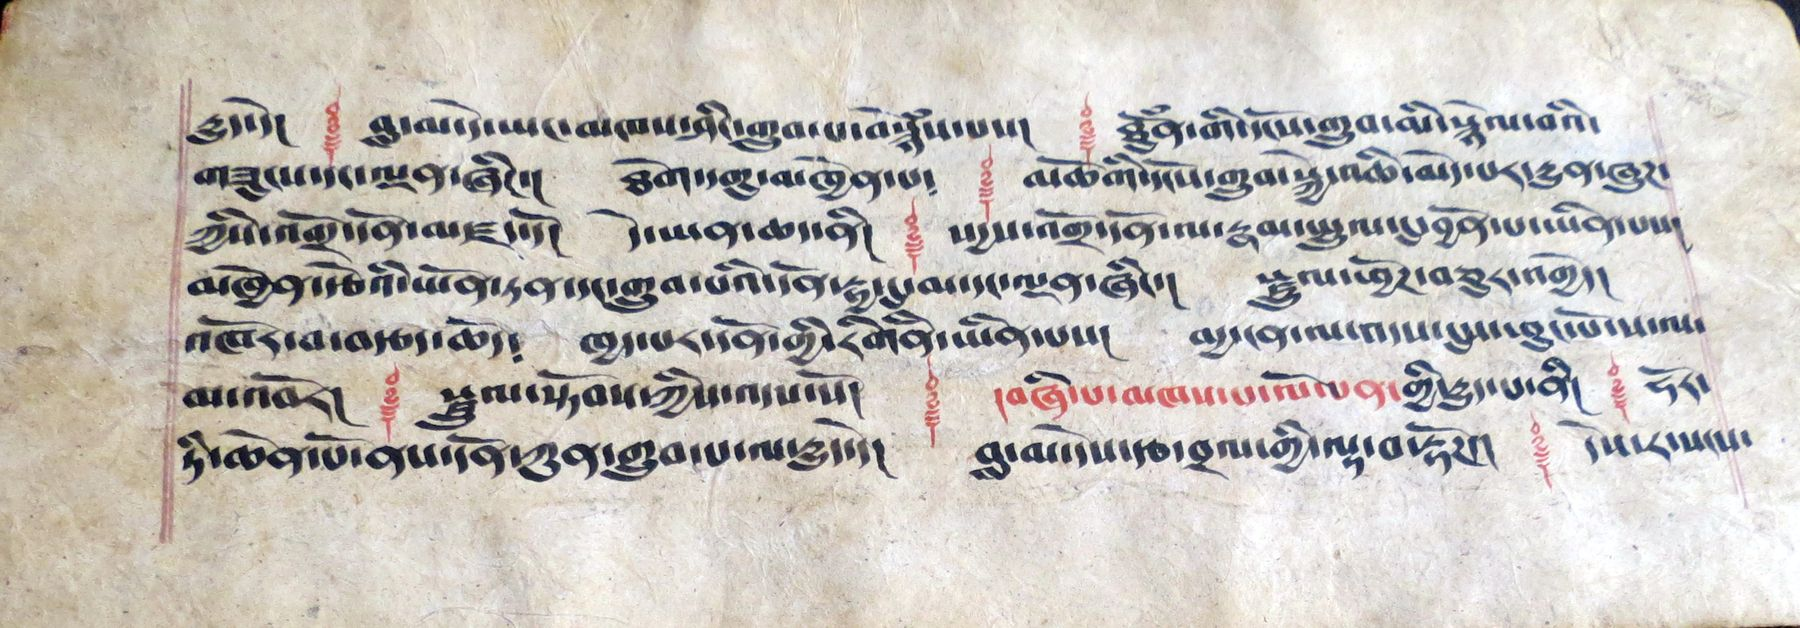བརྒྱུད་དེ། བླ་མ་དེ་ཡང་མཁས་ཤིང་གྲུབ་པ་བསྙེམས་པས། ཐུན་མོང་གི་དངོས་གྲུབ་མི་བསྙེལ་བའི་
གཟུངས་དང་ལྡན་ཞིང་། ཐེག་དགུ་མཁྱེན་པ། མཆོག་གི་དངོས་གྲུབ་སྐྱེ་ཤི་མེད་པར་རྒྱུན་ཞུགས་
ཀྱིས་འགྲོ་དོན་མཛད་དོ། ། དེ་ཡན་ཆད་ནི། སངས་རྒྱས་འགྲོ་དོན་ལ་རྣམ་སྤྲུལ་དུ་བྱོན་པ་ཡིན་པས། 
མཁྱེན་བརྩེའི་ཡོན་ཏན་དང་གྲུབ་པའི་དོན་རྟགས་དུ་མ་དང་ལྡན་ཞིང་། རྫུ་འཕྲུལ་ཕྱོགས་བཅུར་འགྱེད། 
འཁོར་བ་རྩད་ཆོད་ཁྱད་པར་དོན་གྱི་རིག་འཛིན་ཡིན་པས། མྱ་ངན་ལས་འདས་དུས་ཕུང་པོ་ས་ལ་
མི་འབོར། རྫུ་འཕྲུལ་སྟོབས་ཀྱིས་འདས་སོ། ། བཞི་པ་མཁས་པ་ལོ་པཎ་གྱི་བརྒྱུད་པ་ནི། ཧོར་
ཏི་ཆེན་པོ་ནས་དོན་ཀུན་གྲུབ་པ་ལ་བརྒྱུད་དེ། བླ་མ་དེས་རྩ་བྲལ་གྱི་ལྟ་བ་རྟོགས། དེས་ར་སངས་